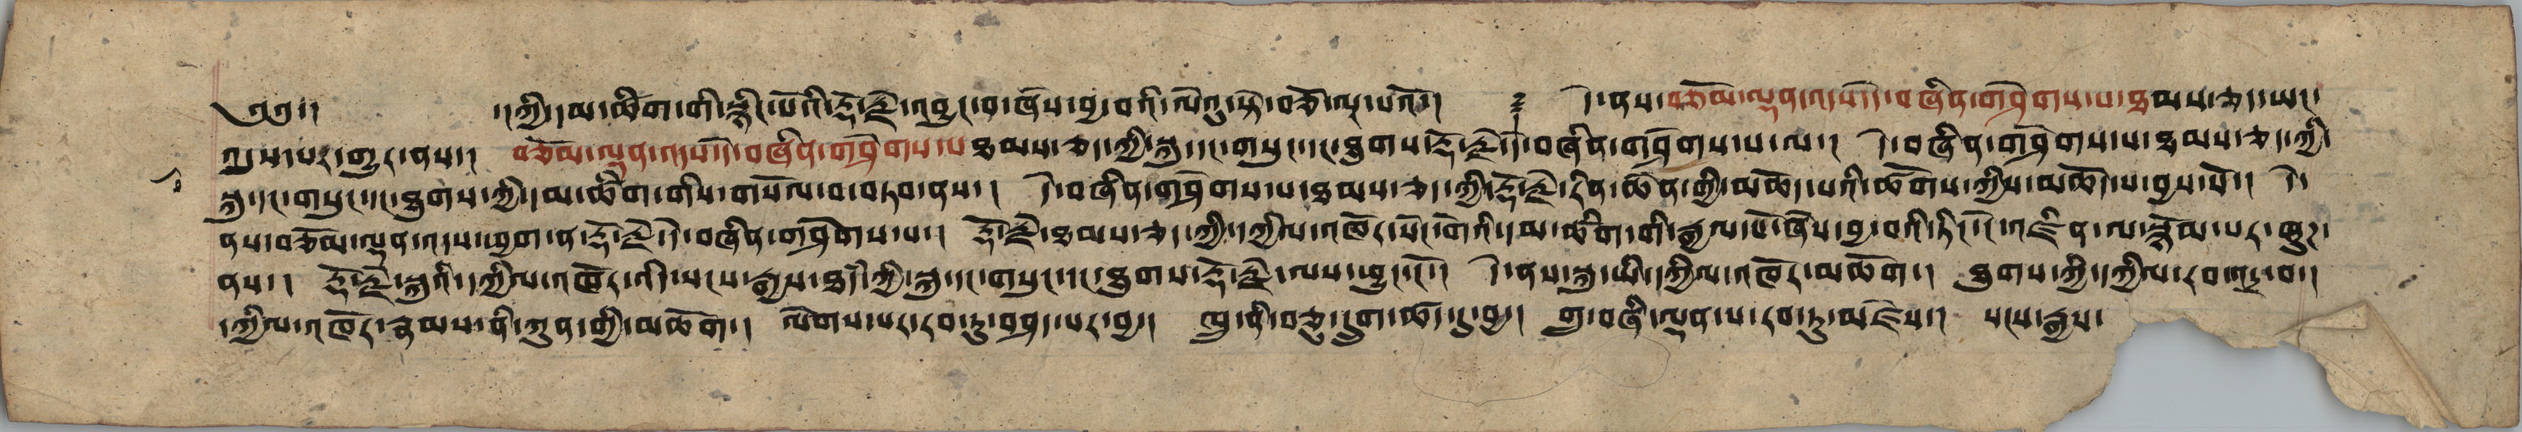༄༅་། ་།ཀྱི་དམ་ཚིག་གི་སྙིང་པོའི་རྡོ་རྗེ་འབྱུང་བ་ཞེས་བྱ་བའི་ལེའུ་སྟེ་བཅོ་ལྔ་པའོ་། ࿑ དེ་ནས་བཅོམ་ལྡན་འདས་དེ་བཞིན་གཤེགས་པ་ཐམས་ཅད་ཡང་
འདུས་པར་གྱུར་ནས་། བཅོམ་ལྡན་འདས་དེ་བཞིན་གཤེགས་པ་ཐམས་ཅད་ཀྱི་སྐུ་དང་གསུང་དང་ཐུགས་རྡོ་རྗེ་དེ་བཞིན་གཤེགས་པ་ལ་། དེ་བཞིན་གཤེགས་པ་ཐམས་ཅད་ཀྱི་
སྐུ་དང་གསུང་དང་ཐུགས་ཀྱི་དམ་ཚིག་གིས་གསོལ་བ་བཏབ་ནས་། དེ་བཞིན་གཤེགས་པ་ཐམས་ཅད་ཀྱི་རྡོ་རྗེ་རིན་ཆེན་གྱི་མཆོད་པའི་ཚོགས་ཀྱིས་མཆོད་པ་བྱས་སོ་།
ནས་བཅོམ་ལྡན་འདས་ཕྱག་ན་རྡོ་རྗེ་དེ་བཞིན་གཤེགས་པ་། རྡོ་རྗེ་ཐམས་ཅད་ཀྱི་དཀྱིལ་འཁོར་སེང་གེའི་དམ་ཚིག་གི་རྒྱལ་པོ་ཞེས་བྱ་བའི་ཏིང་ངེ་འཛིན་ལ་སྙོམ་པར་ཞུཌ་
ནས་། རྡོ་རྗེ་སྐུའི་དཀྱིལ་འཁོར་འདི་སངས་རྒྱས་ཐདཾ་ཀྱི་སྐུ་དང་གསུང་དང་ཐུགས་རྡོ་རྗེ་ལས་ཕྱུང་ངོ་། དེ་ནས་སྐུ་ཡི་དཀྱིལ་འཁོར་མཆོག་། ཐུགས་ཀྱི་དཀྱིལ་རབ་འདྲ་བ་།
དཀྱིལ་འཁོར་རྣམས་ནི་ཀུན་གྱི་མཆོག་། ལེགས་པར་རབ་ཏུ་བཤད་པར་བྱ་། ཁྲུ་ནི་བཅུ་དྲུག་ཚད་དུ་བྱ་། གྲུ་བཞི་ལྡན་པ་རབ་ཏུ་མཛེས་། སངས་རྒྱས་